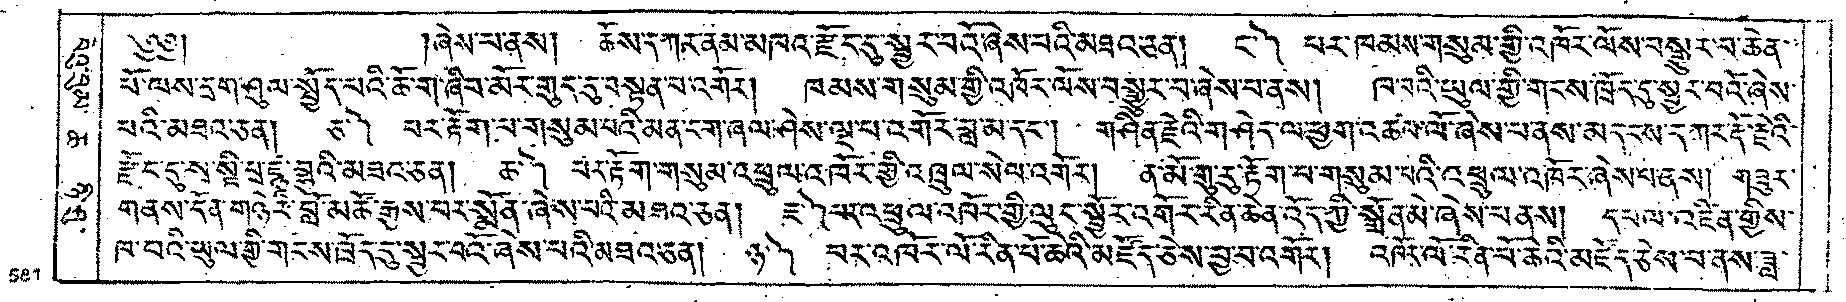༄༅། །ཞེས་པ་ནས། ཆོས་དཀར་ནམ་མཁའ་རྫོང་དུ་སྦྱར་བའོ་ཞེས་པའི་མཐའ་ཅན། ང྄་པར་ཁམས་གསུམ་གྱི་འཁོར་ལོས་བསྒྱུར་བ་ཆེན་
པོ་ལས་དྲག་ཤུལ་སྤྱོད་པའི་ཆོ་ག་ཞིབ་མོར་གུད་དུ་བསྟན་པ་འགོར། ཁམས་གསུམ་གྱི་འཁོར་ལོས་བསྒྱུར་བ་ཞེས་པ་ནས། ཁ་བའི་ཡུལ་གྱི་གངས་ཁྲོད་དུ་སྦྱར་བའོ་ཞེས་
པའི་མཐའ་ཅན། ཅ྄་པར་རྟོག་པ་གསུམ་པའི་མན་ངག་ཞལ་ཤེས་ལྔ་པ་འགོར་བླ་མ་དང་། གཤིན་རྗེའི་གཤེད་ལ་ཕྱག་འཚལ་ལོ་ཞེས་པ་ནས་མདངས་དཀར་རྡོ་རྗེའི་
རྫོང་དུ་སྭ་སྟི་པྲ་ཛྙཱ་བྷུའི་མཐའ་ཅན། ཆ྄་པར་རྟོག་གསུམ་འཕྲུལ་འཁོར་གྱི་འཁྲུལ་སེལ་འགོར། ན་མོ་གུ་རུ་རྟོག་པ་གསུམ་པའི་འཕྲུལ་འཁོར་ཞེས་པ་ནས། གཟུར་
གནས་དོན་གཉེར་བློ་མཚོ་རྒྱས་པར་སྨོན་ཞེས་པའི་མཐའ་ཅན། ཇ྄་པར་འཕྲུལ་འཁོར་གྱི་ལུང་སྦྱོར་འགོར་རིན་ཆེན་འོད་ཀྱི་སྒྲོན་མེ་ཞེས་པ་ནས། དཔལ་འཛིན་གྱིས་
ཁ་བའི་ཡུལ་གྱི་གངས་ཁྲོད་དུ་སྦྱར་བའོ་ཞེས་པའི་མཐའ་ཅན། ཉ྄་པར་འཁོར་ལོ་རིན་པོ་ཆེའི་མཛོད་ཅེས་བྱ་བ་འགོར། འཁོར་ལོ་རིན་པོ་ཆེའི་མཛོད་ཅེས་པ་ནས་ཟླ་